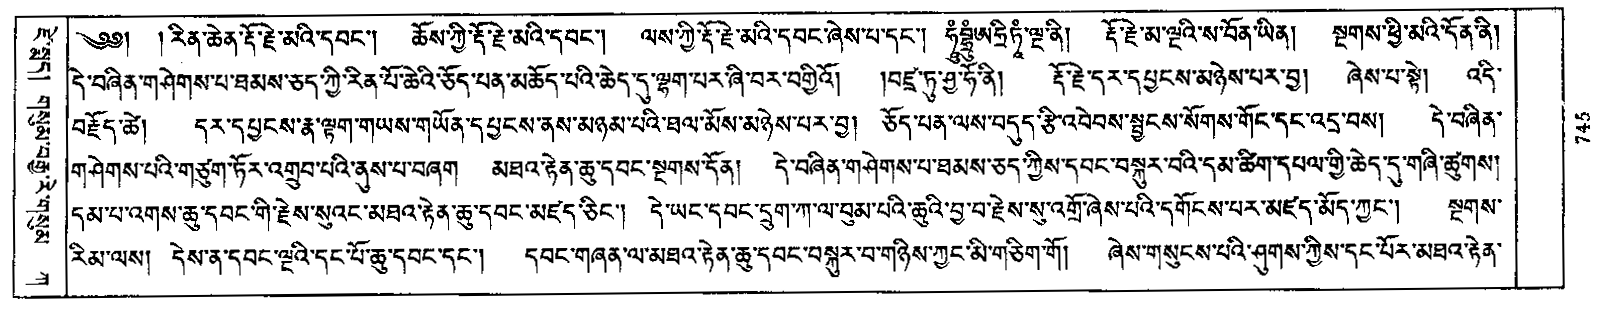༄༅། །རིན་ཆེན་རྡོ་རྗེ་མའི་དབང་། ཆོས་ཀྱི་རྡོ་རྗེ་མའི་དབང་། ལས་ཀྱི་རྡོ་རྗེ་མའི་དབང་ཞེས་པ་དང་། ཧཱུཾ་བྷྲུཾ་ཨ་ཧྲི་ཏཱཾ་ལྔ་ནི། རྡོ་རྗེ་མ་ལྔའི་ས་བོན་ཡིན། སྔགས་ཕྱི་མའི་དོན་ནི།
དེ་བཞིན་གཤེགས་པ་ཐམས་ཅད་ཀྱི་རིན་པོ་ཆེའི་ཅོད་པན་མཆོད་པའི་ཆེད་དུ་ལྷག་པར་ཞི་བར་བགྱིའོ། །བཛྲ་ཏུ་ཤྱ་ཧོ་ནི། རྡོ་རྗེ་དར་དཔྱངས་མཉེས་པར་བྱ། ཞེས་པ་སྟེ། འདི་
བརྗོད་ཚེ། དར་དཔྱངས་རྣ་ལྟག་གཡས་གཡོན་དཔྱངས་ནས་མཉམ་པའི་ཐལ་མོས་མཉེས་པར་བྱ། ཅོད་པན་ལས་བདུད་རྩི་འབེབས་སྦྱངས་སོགས་གོང་དང་འདྲ་བས། དེ་བཞིན་
གཤེགས་པའི་གཙུག་ཏོར་འགྲུབ་པའི་ནུས་པ་བཞག་མཐའ་རྟེན་ཆུ་དབང་སྔགས་དོན། དེ་བཞིན་གཤེགས་པ་ཐམས་ཅད་ཀྱིས་དབང་བསྐུར་བའི་དམ་ཚིག་དཔལ་གྱི་ཆེད་དུ་གཞི་ཚུགས།
དམ་པ་འགས་ཆུ་དབང་གི་རྗེས་སུའང་མཐའ་རྟེན་ཆུ་དབང་མཛད་ཅིང་། དེ་ཡང་དབང་དྲུག་ཀ་ལ་བུམ་པའི་ཆུའི་བྱ་བ་རྗེས་སུ་འགྲོ་ཞེས་པའི་དགོངས་པར་མཛད་མོད་ཀྱང་། སྔགས་
རིམ་ལས། དེས་ན་དབང་ལྔའི་དང་པོ་ཆུ་དབང་དང་། དབང་གཞན་ལ་མཐའ་རྟེན་ཆུ་དབང་བསྐུར་བ་གཉིས་ཀྱང་མི་གཅིག་གོ། ཞེས་གསུངས་པའི་ཤུགས་ཀྱིས་དང་པོར་མཐའ་རྟེན་